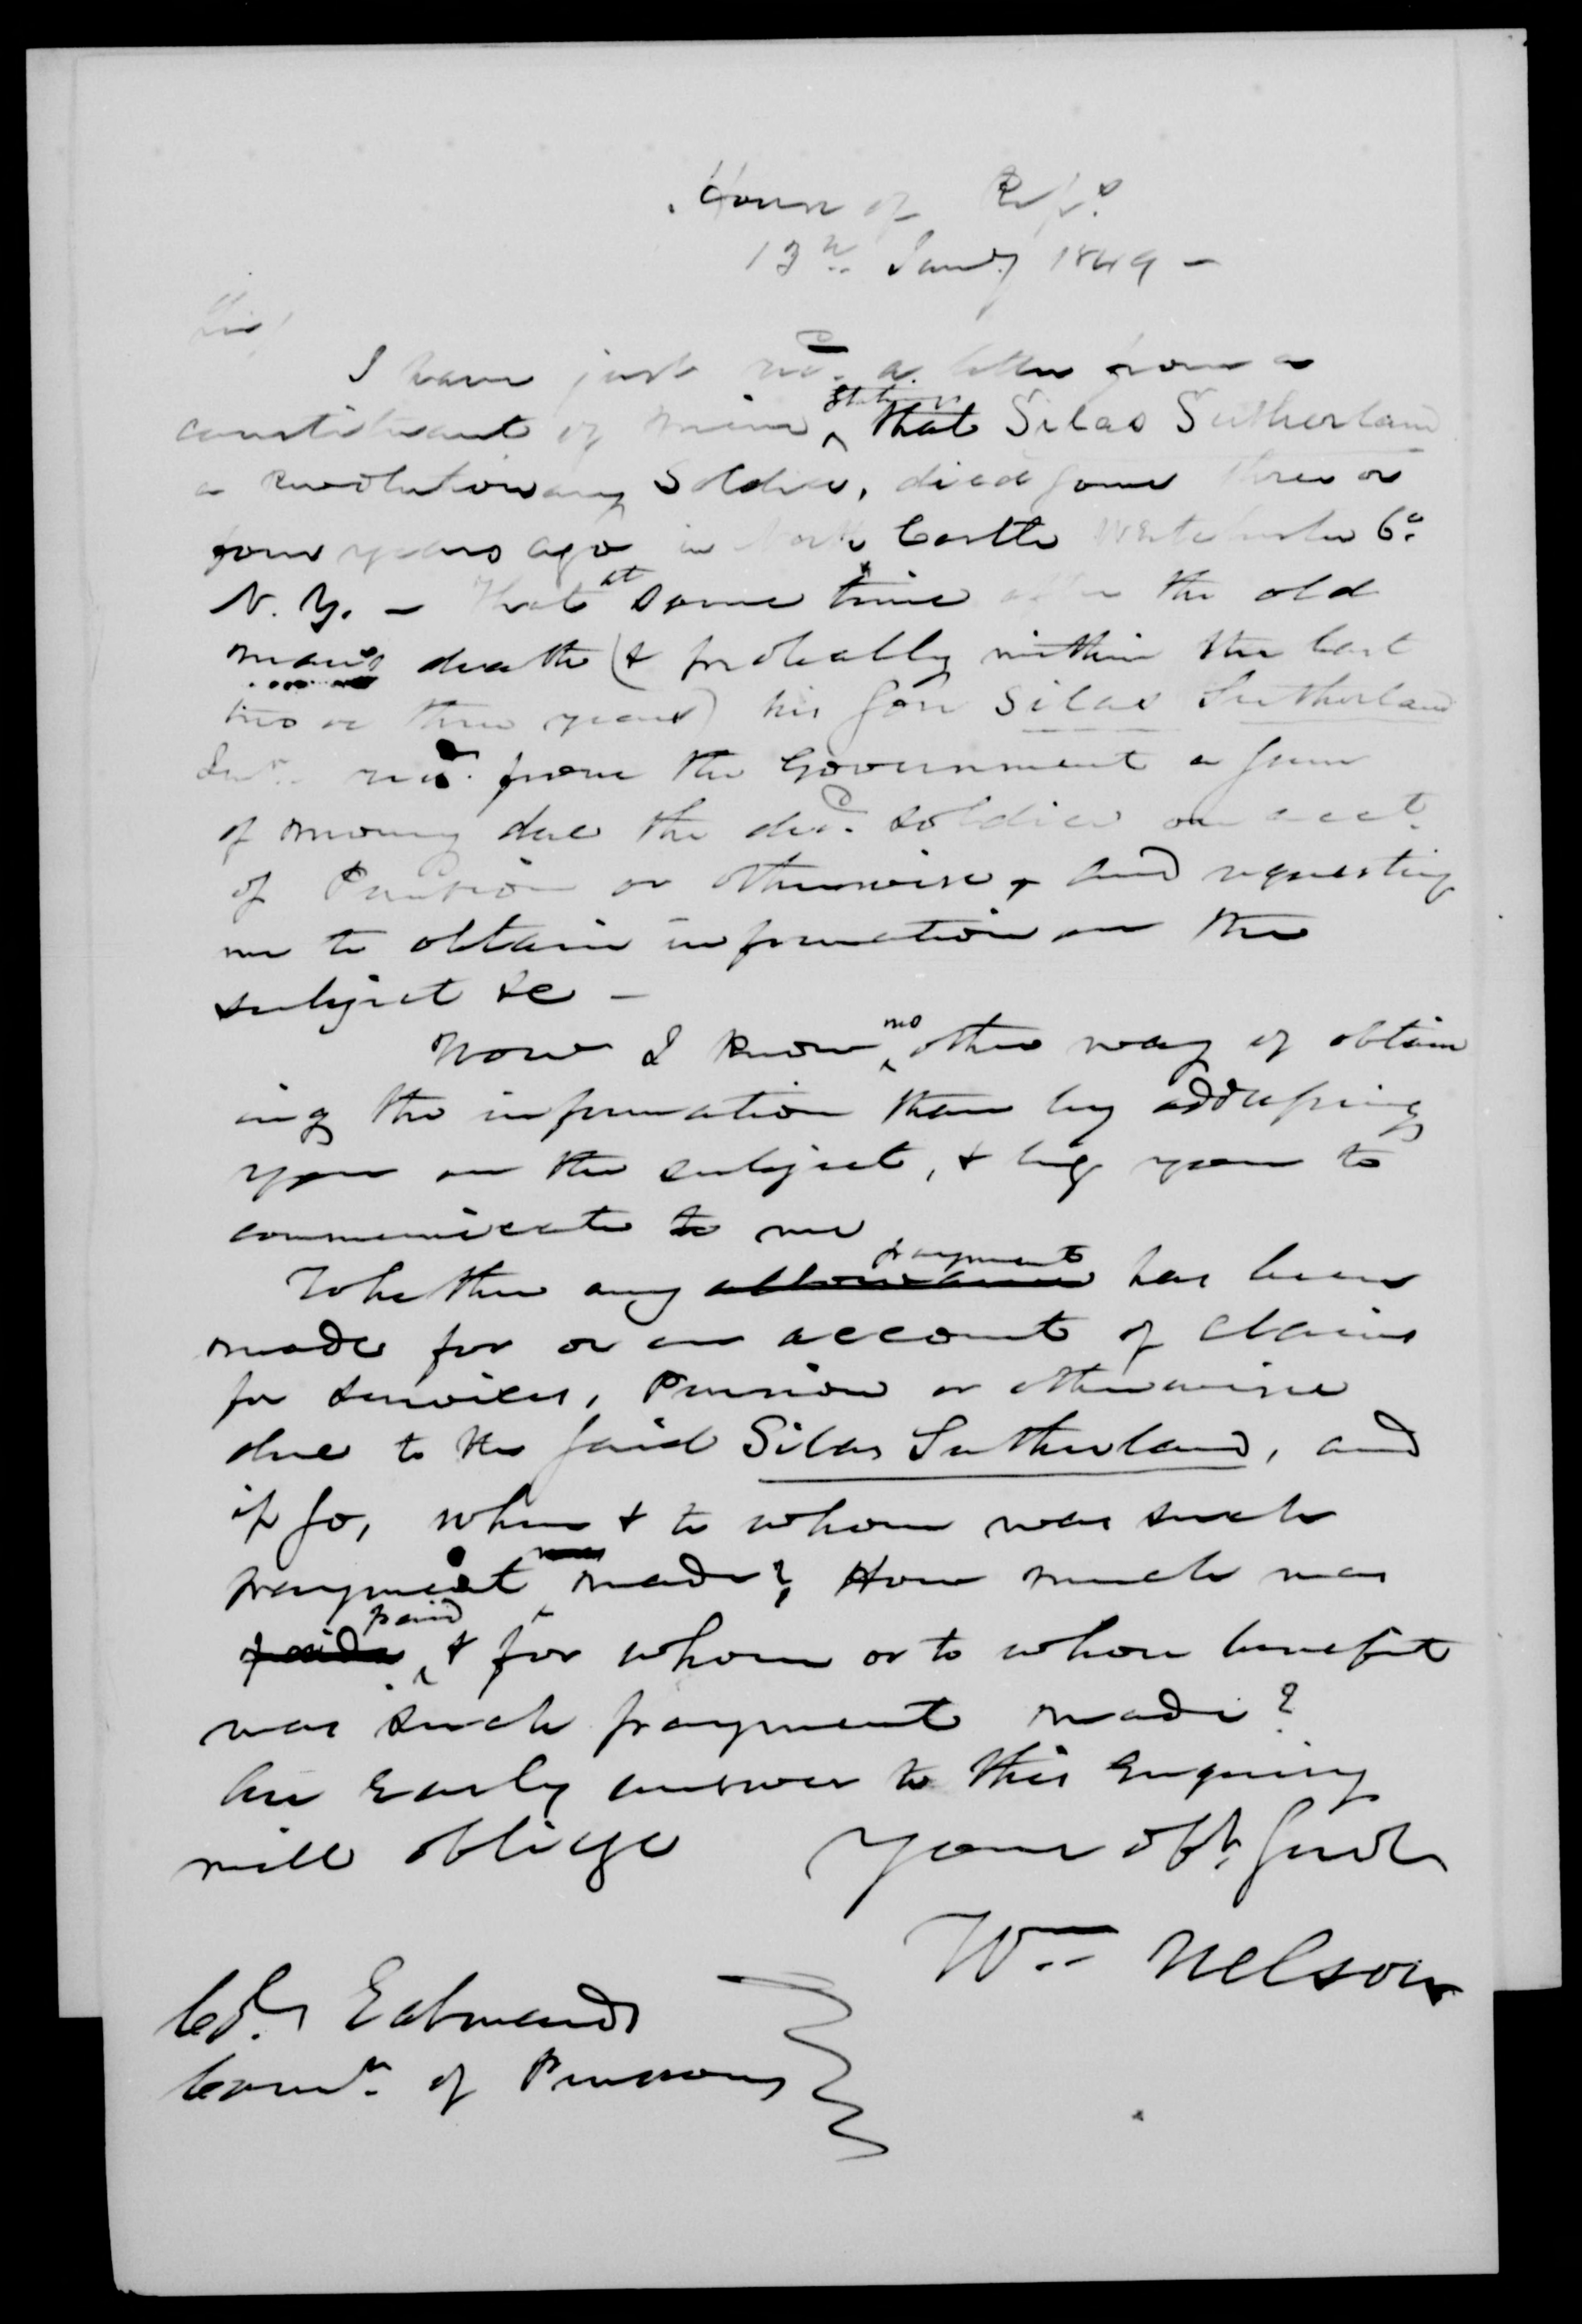House of Reps
13th Jany 1849
Sir,
  I have just recd a letter from a constituent of mine ^ stating that Silas Sutherland a Revolutionary Soldier, died some three or four years ago in North Carth W    N.Y. - That at some time after the old mans death (& probably within the last two or three years) his son Silas Sutherland      recd from the Government a mm of money due the decd soldier on acct of P   on or otherwise and requesting me to obtain information on the subject &c -
  Now I know no other way of obtain the information than by addressing you on the subject & beg you to communicate to me
 Whether any [word crossed out] payment has been made for or on account of claims for services, Pension or otherwise   to the said Silas Sutherland, and if so, when & to whom was such payment made? How much was paid & for whom or to whom benefit was such payment made?
  An early answer to this enquiry will oblige
  Your obt Servt
  W. Nelson
J.L. Edwards
Commr of Pensions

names: Silas Sutherland; Wm Nelson; Silas Sutherland; Silas Sutherland; [BLANK] Edwards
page: 59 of 77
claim: survivor's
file: S. 23003, for Silas Southerland, New York